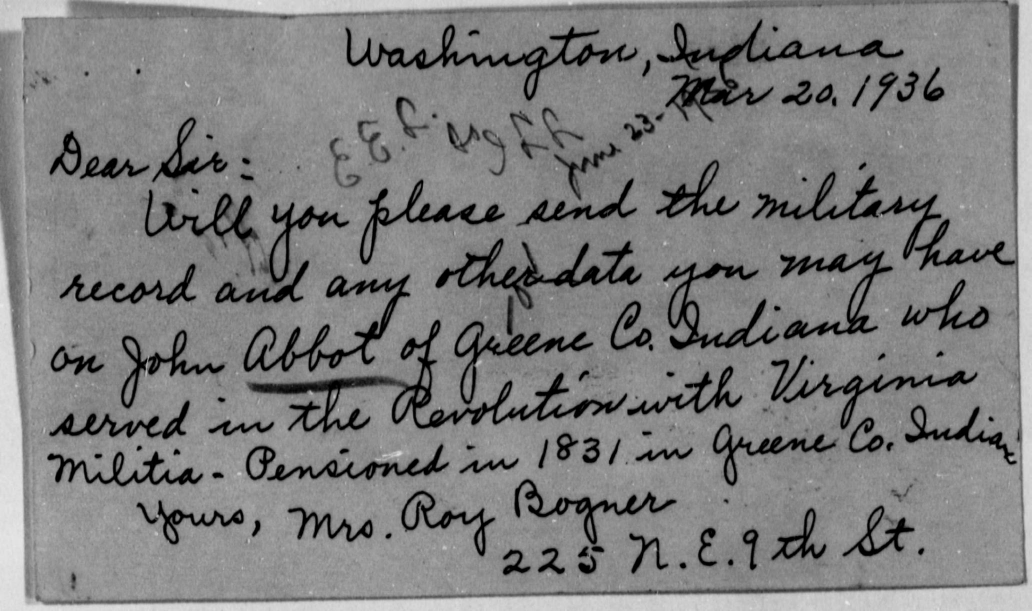Washington, Indiana
Mar 20, 1936

Dear Sir

Will you please send the military
record
and any other data you may have
on John Abbot of Greene Co. Indiana who
served in the Revolution with Virginia
Militia - Pensioned in 1831 in Greene Co. India
Yours, 
Mrs. Roy Bogner
225 N.E. 9th St.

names: Roy Bogner, John Abbot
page: 31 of 35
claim: survivor's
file: S. 32089, John Abbott, Continental N. C.